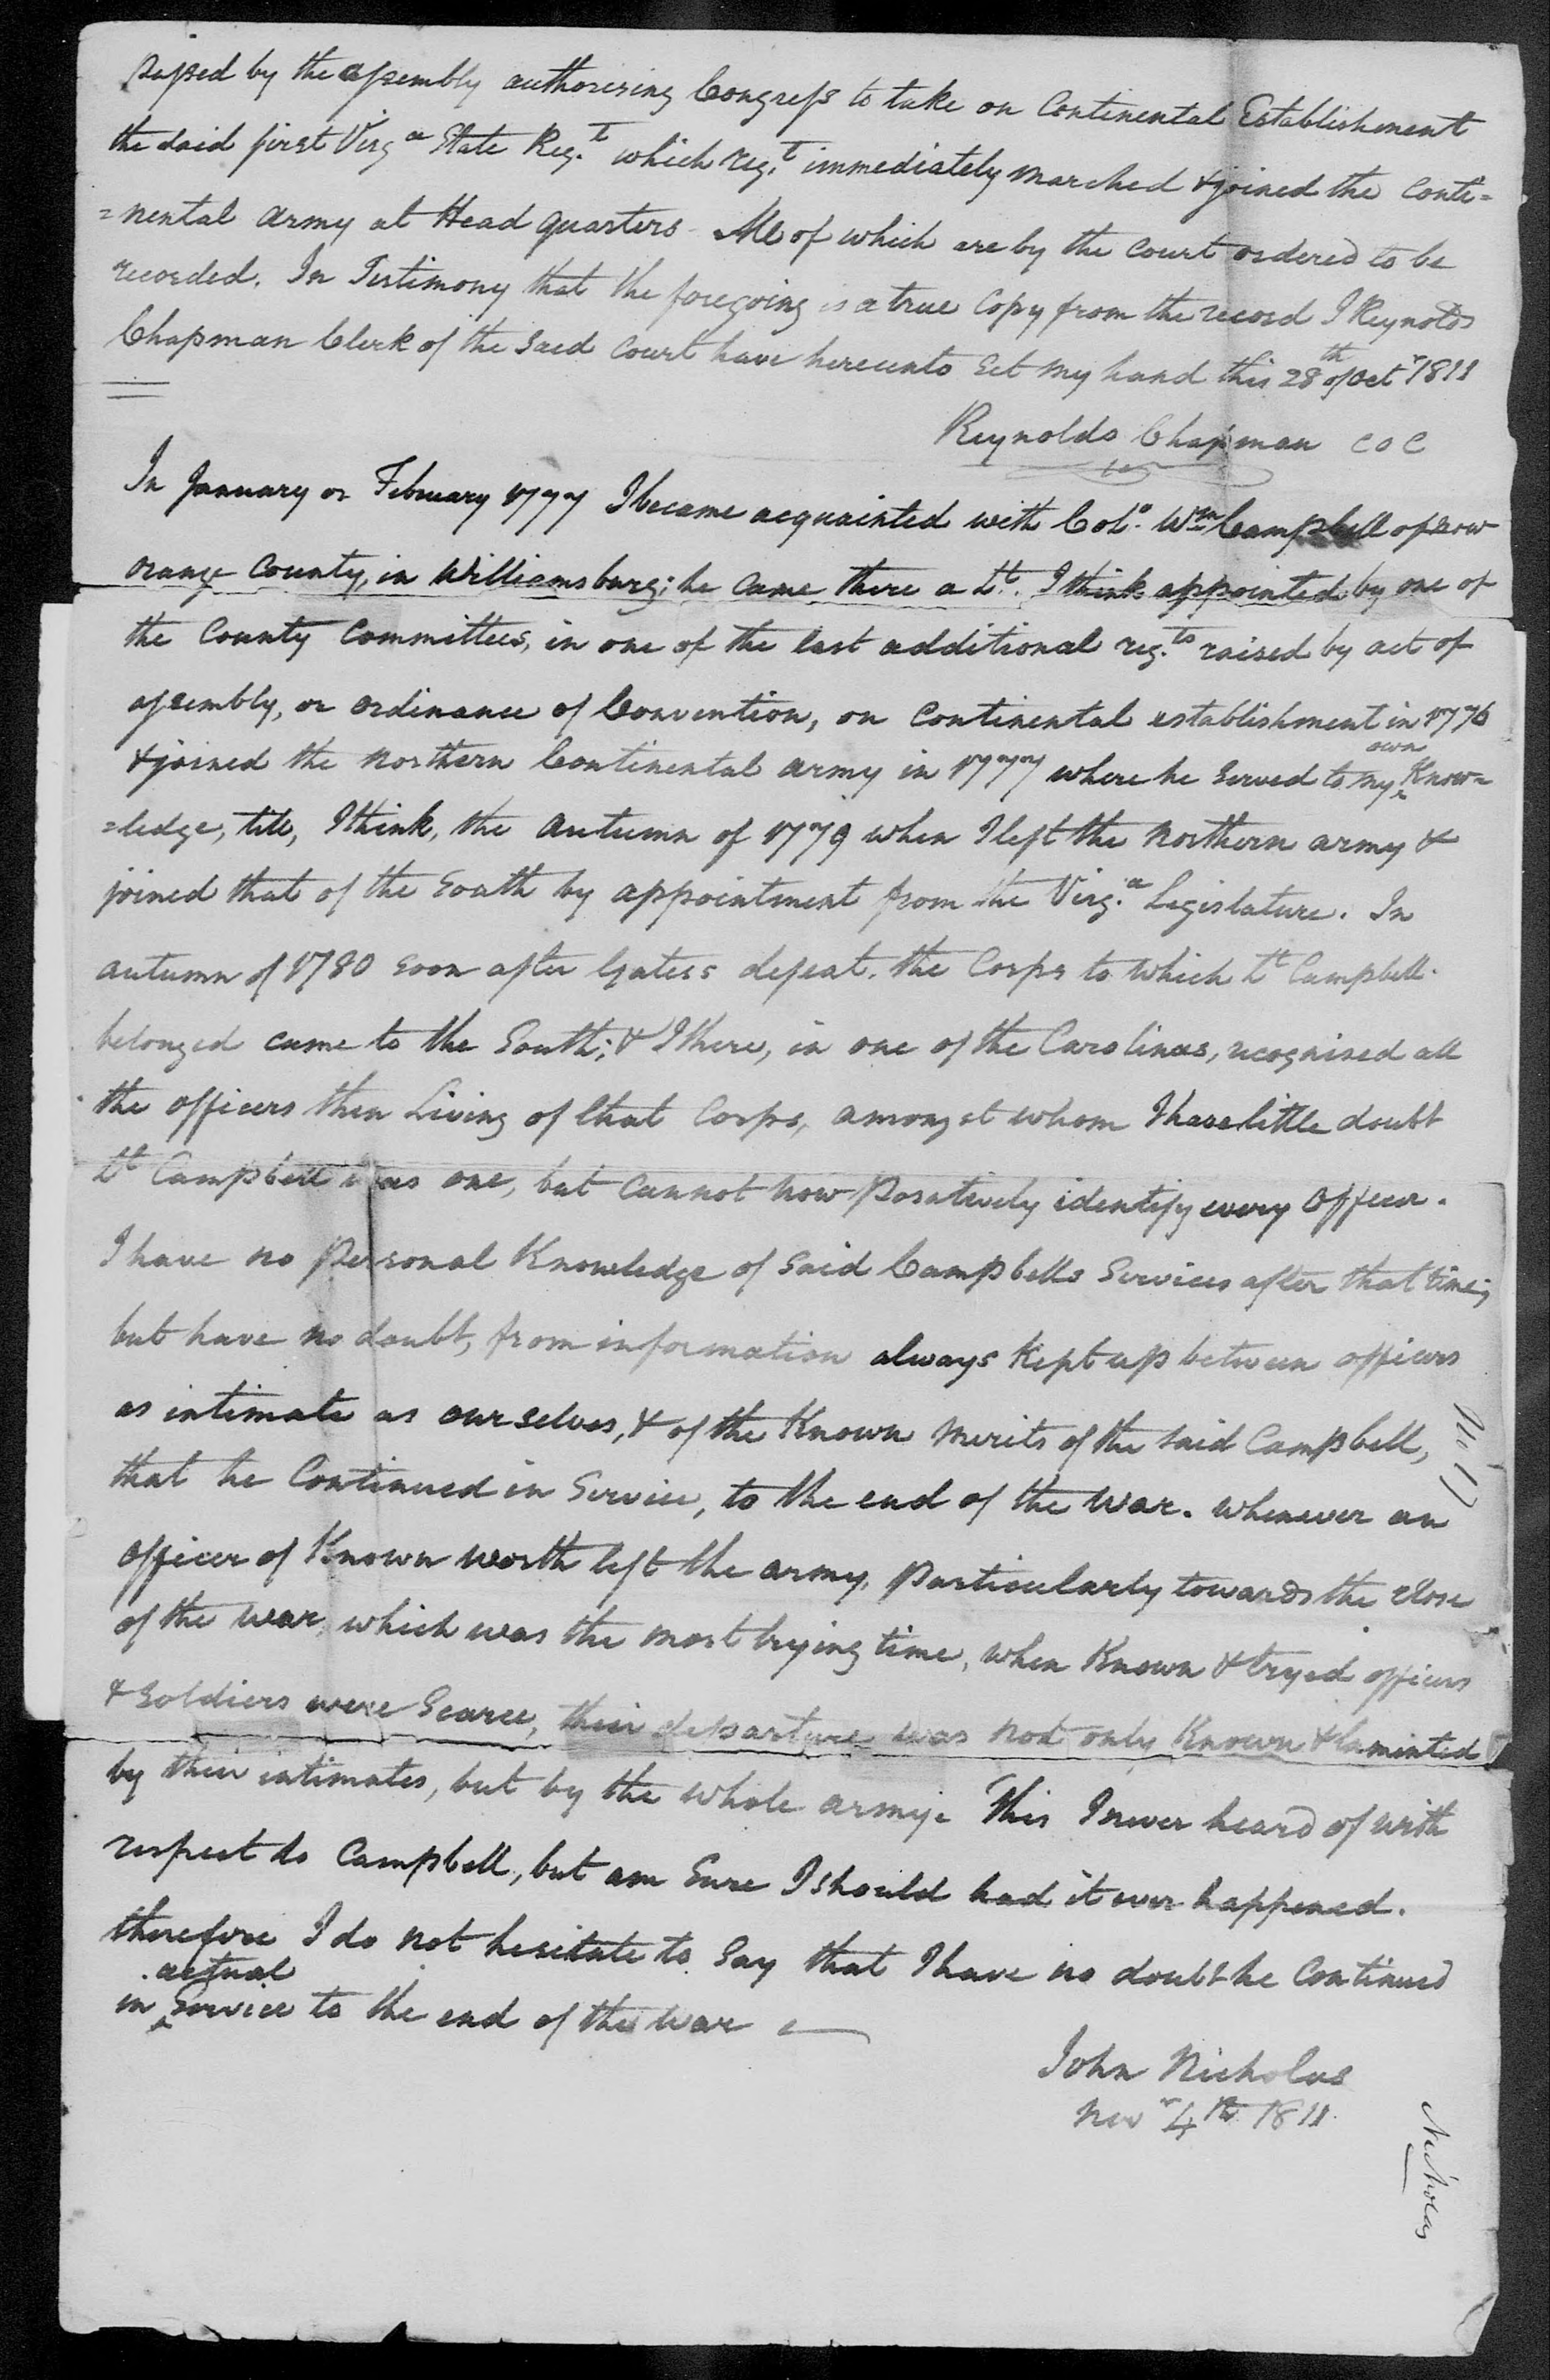passed by the assembly authorizing Congress to take on Continental Establishment the said first Virga. State Regt. which regt. immediately marched +[and] joined the Continental Army at Head quarters. All of which are by the court ordered to be recorded. In Testimony that the foregoing is a true copy from the record I Reynolds Chapman Clerk of the Said Court have  hereunto set my hand this 28th of Octr. 1811
Reynolds Chapman [signature] COC

In January or February 1777 I became acquainted with Colo. Wm Campbell of now Orange County, in Williamsburg; he came there a Lt. I think appointed by one of the County Committees, in one of the last additional regts. raised by act of assembly, or ordinanse of Convention, on Continental establishment in 1776 +[and] joined the Northern Continental army in 1777 where he served to my [insert] own [end insert] known knowledge, till, I think, the Autumn of 1779 when I left the Northern army +[and] joined that of the South by appointment from the Virga. . Legislature. In Autumn of 1780 soon after Gates defeat. the Corps to which Lt. Campbell belonged came to the South; +[and] I there, in one of the Carolinas, recognised all the officers then Living of that Corps, among it whom I have little doubt Lt. Campbell was one, but cannot now positively identify every officer.  I have no personal Knowledge of said Campbells Services after that time; but have no doubt, from information always kept up between officers as intimate as ourselves, +[and] of the Known merits of the said Campbell, that he Continued in Service, to the end of the War. Whenever an officer of Known worth left the army, particularly towards the close of the war, which was the most trying time, when Known +[and] tryed officers +[and] soldiers were Scarce, their departure was not only Known +[and] laminted by their intimates, but by the whole army. This I never heard of with respect to Campbell, but am sure I should had it ever happened. therefore I do not hesitate to say that I have no doubt he Continued in [insert] actual [end insert] service to the end of this War
John Nicholas
Novr. 4th 1811

No 17 [written from top to bottom on right center edge of document]
Nicholas [written from top to bottom in
 right lower corner of document]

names: Campbells, Campbell, Nicholas, Reynolds Chapman, Reynolds Chapman, John Nicholas, Wm Campbell, Campbell, Campbell, Campbell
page: 63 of 267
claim: widow's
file: W. 4,149, William Campbell, Va.